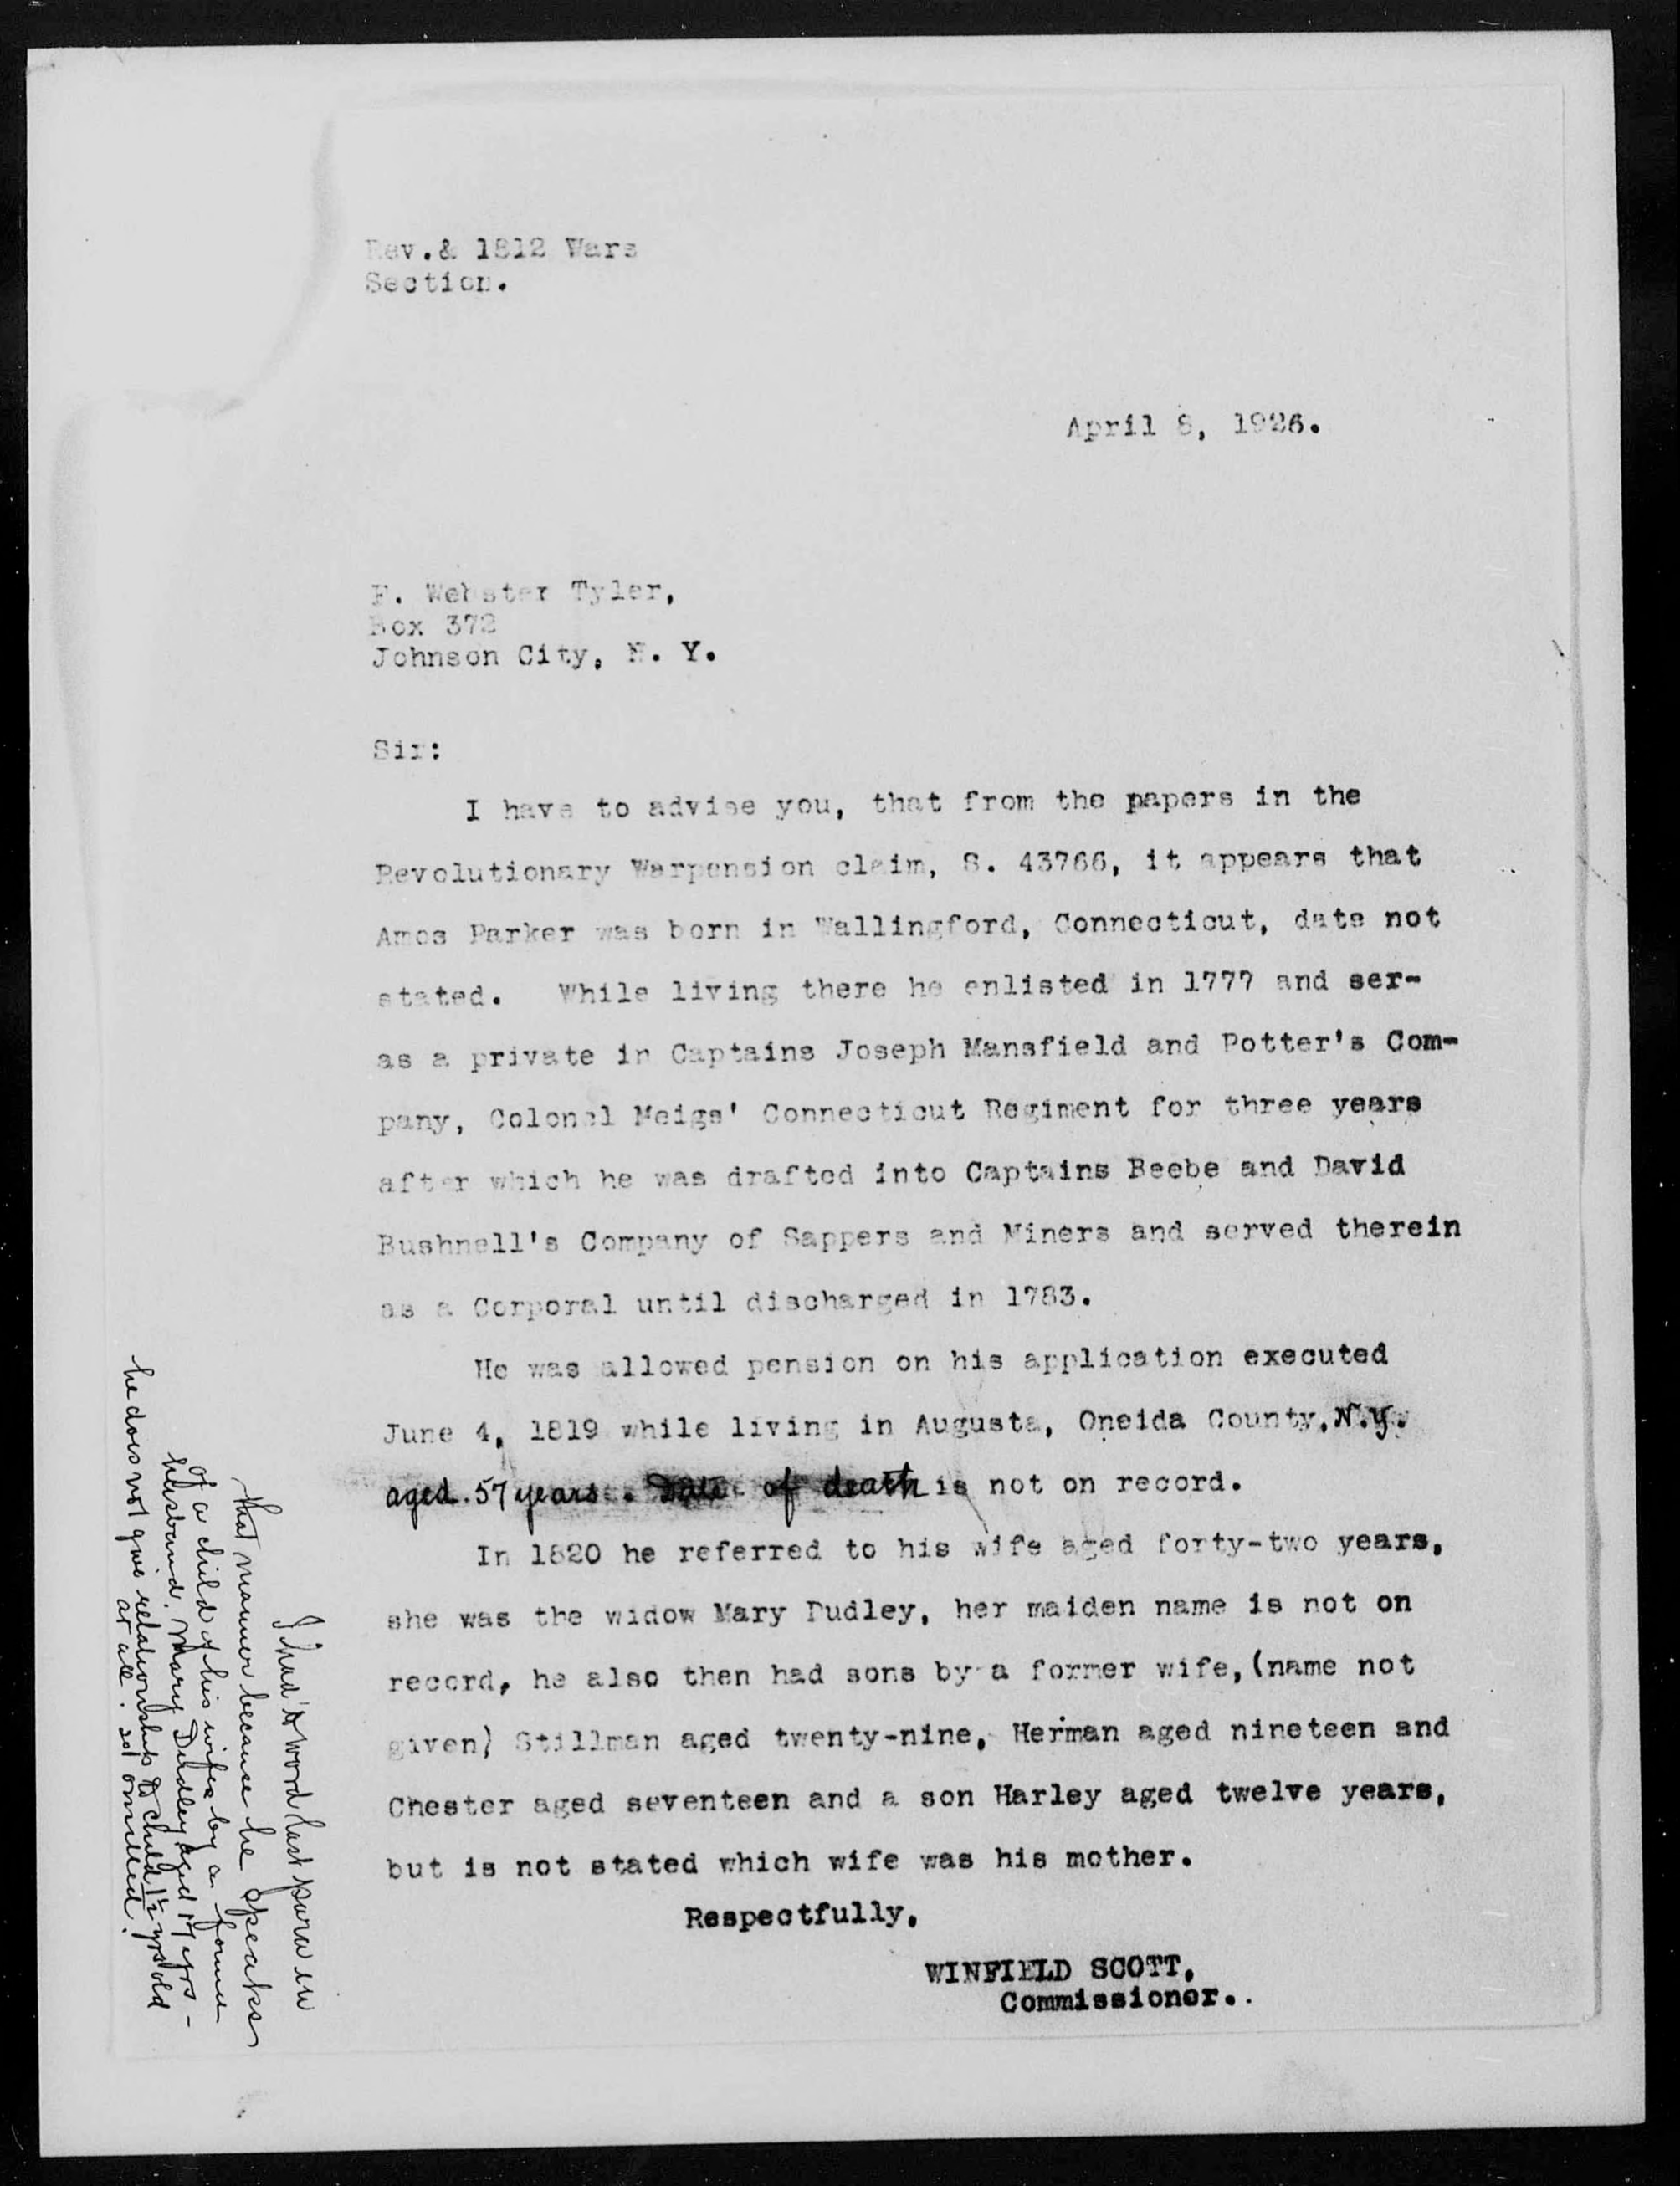Rev. & 1812 Wars
Section.
April 5, 1926.
F. Webster Tyler,
Box 372
Johnson City, N. Y.
Sir:
I have to advise you that from the papers in the
Revolutionary War pension claim, S. 43766, it appears that
Amos Parker was born in Wallingford, Connecticut, date not
stated. While living there he enlisted in 1777 and ser-
as a private in Captains Joseph Mansfield and Potter's Company
, Colonel Meigs' Connecticut Regiment for three years
after which he was drafted into Captains Beebe and David
Bushnell's Company of Sappers and Miners and served therein
as a Corporal until discharged in 1783.
He was allowed pension on his application executed
June 4, 1819 while living in Augusta, Oneida County, N.Y.
aged 57 years. Date of death is not on record.
In 1820 he referred to his wife aged forty-two years,
she was the widow Mary Dudley, her maiden name is not on
record, he also then had sons by a former wife, (name not
given) Stillman aged twenty-nine, Herman aged nineteen and
Chester aged seventeen and a son Harley aged twelve years,
but is not stated which wife was his mother.
Respectfully,
WINFIELD SCOTT,
Commissioner.
I had a word last para in
that manner because he speaks
of a child of his wife by a former
husband. Mary Dudley aged 17 years
he does not give relationship to child 1 1/2 yrs old
at all so I omitted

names: [BLANK] Stillman; Mary Dudley; Amos Parker; Winfield Scott; Harley [BLANK]; Chester [BLANK]; Herman [BLANK]; F Webster Tyler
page: 18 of 31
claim: survivor's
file: S. 43766, for Amos Parker, Connecticut